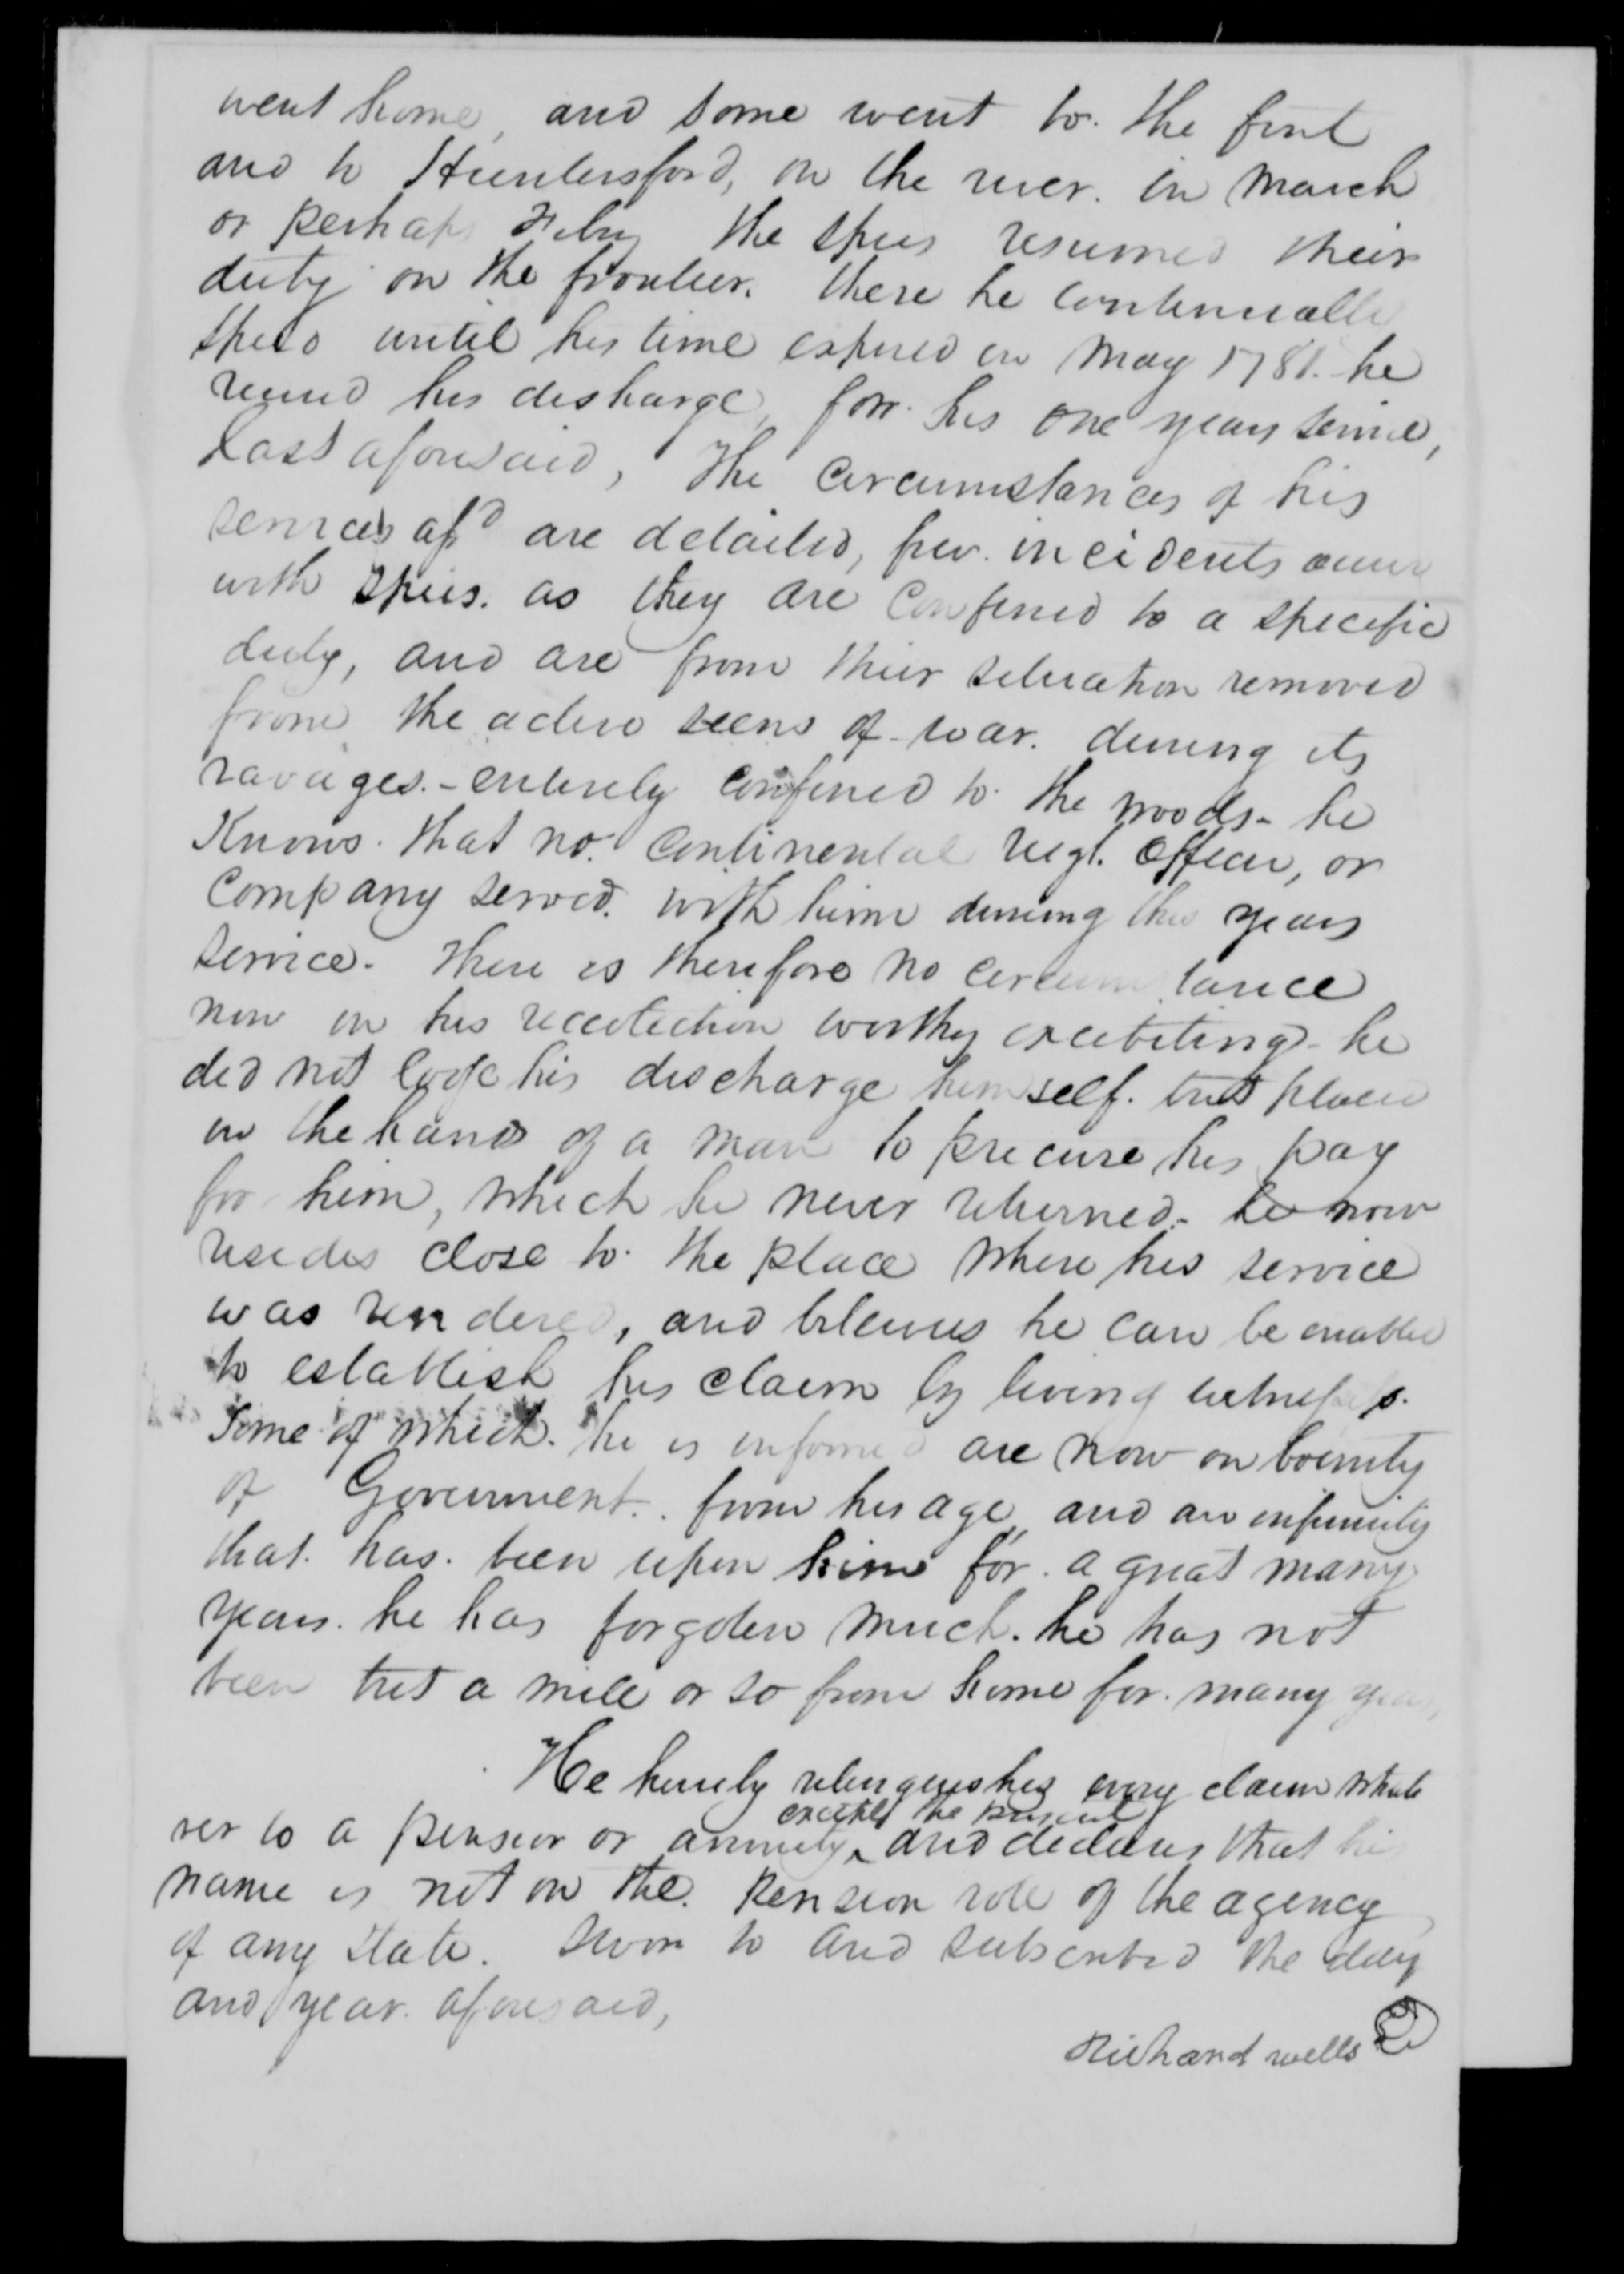went home and some went to the fort and to Huntersford on the river. in March or perhaps Febry the spies resumed their duty on the frontier, there he Cornwallis spied until his time expired on May 1781 he received his discharge for his one years service last aforesaid, The circumstances of his services are detailed per incidents over with spies as they are confined to a specific duty, and from their situation are removed from the active scenes of war during its ravages entirely confined to the woods. he knows that no Continental regt. officer or Company served with him during this years service. There is therefore no circumstance of a man to procure is pay for him, which he never returned. he now resides close to the place where his service was under, and believes he can be enabled to establish his claim by living witnesses some of which he is informed are now in County of Government, from his age and an infirmity that has been upon him for a great many years he has forgotten much,  he has not been out a mile or so from his home for many years. He herby relinquishes every claim whatsoever to a pension or annuity except the present and declares that his name is not on the Pension roll of the agency of any State . Sworn to and subscribed the day and year aforesaid. Richard Wells ( signed )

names: Richard Wells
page: 24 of 100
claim: widow's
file: W. 6437, Richard Wells, Ga Va.